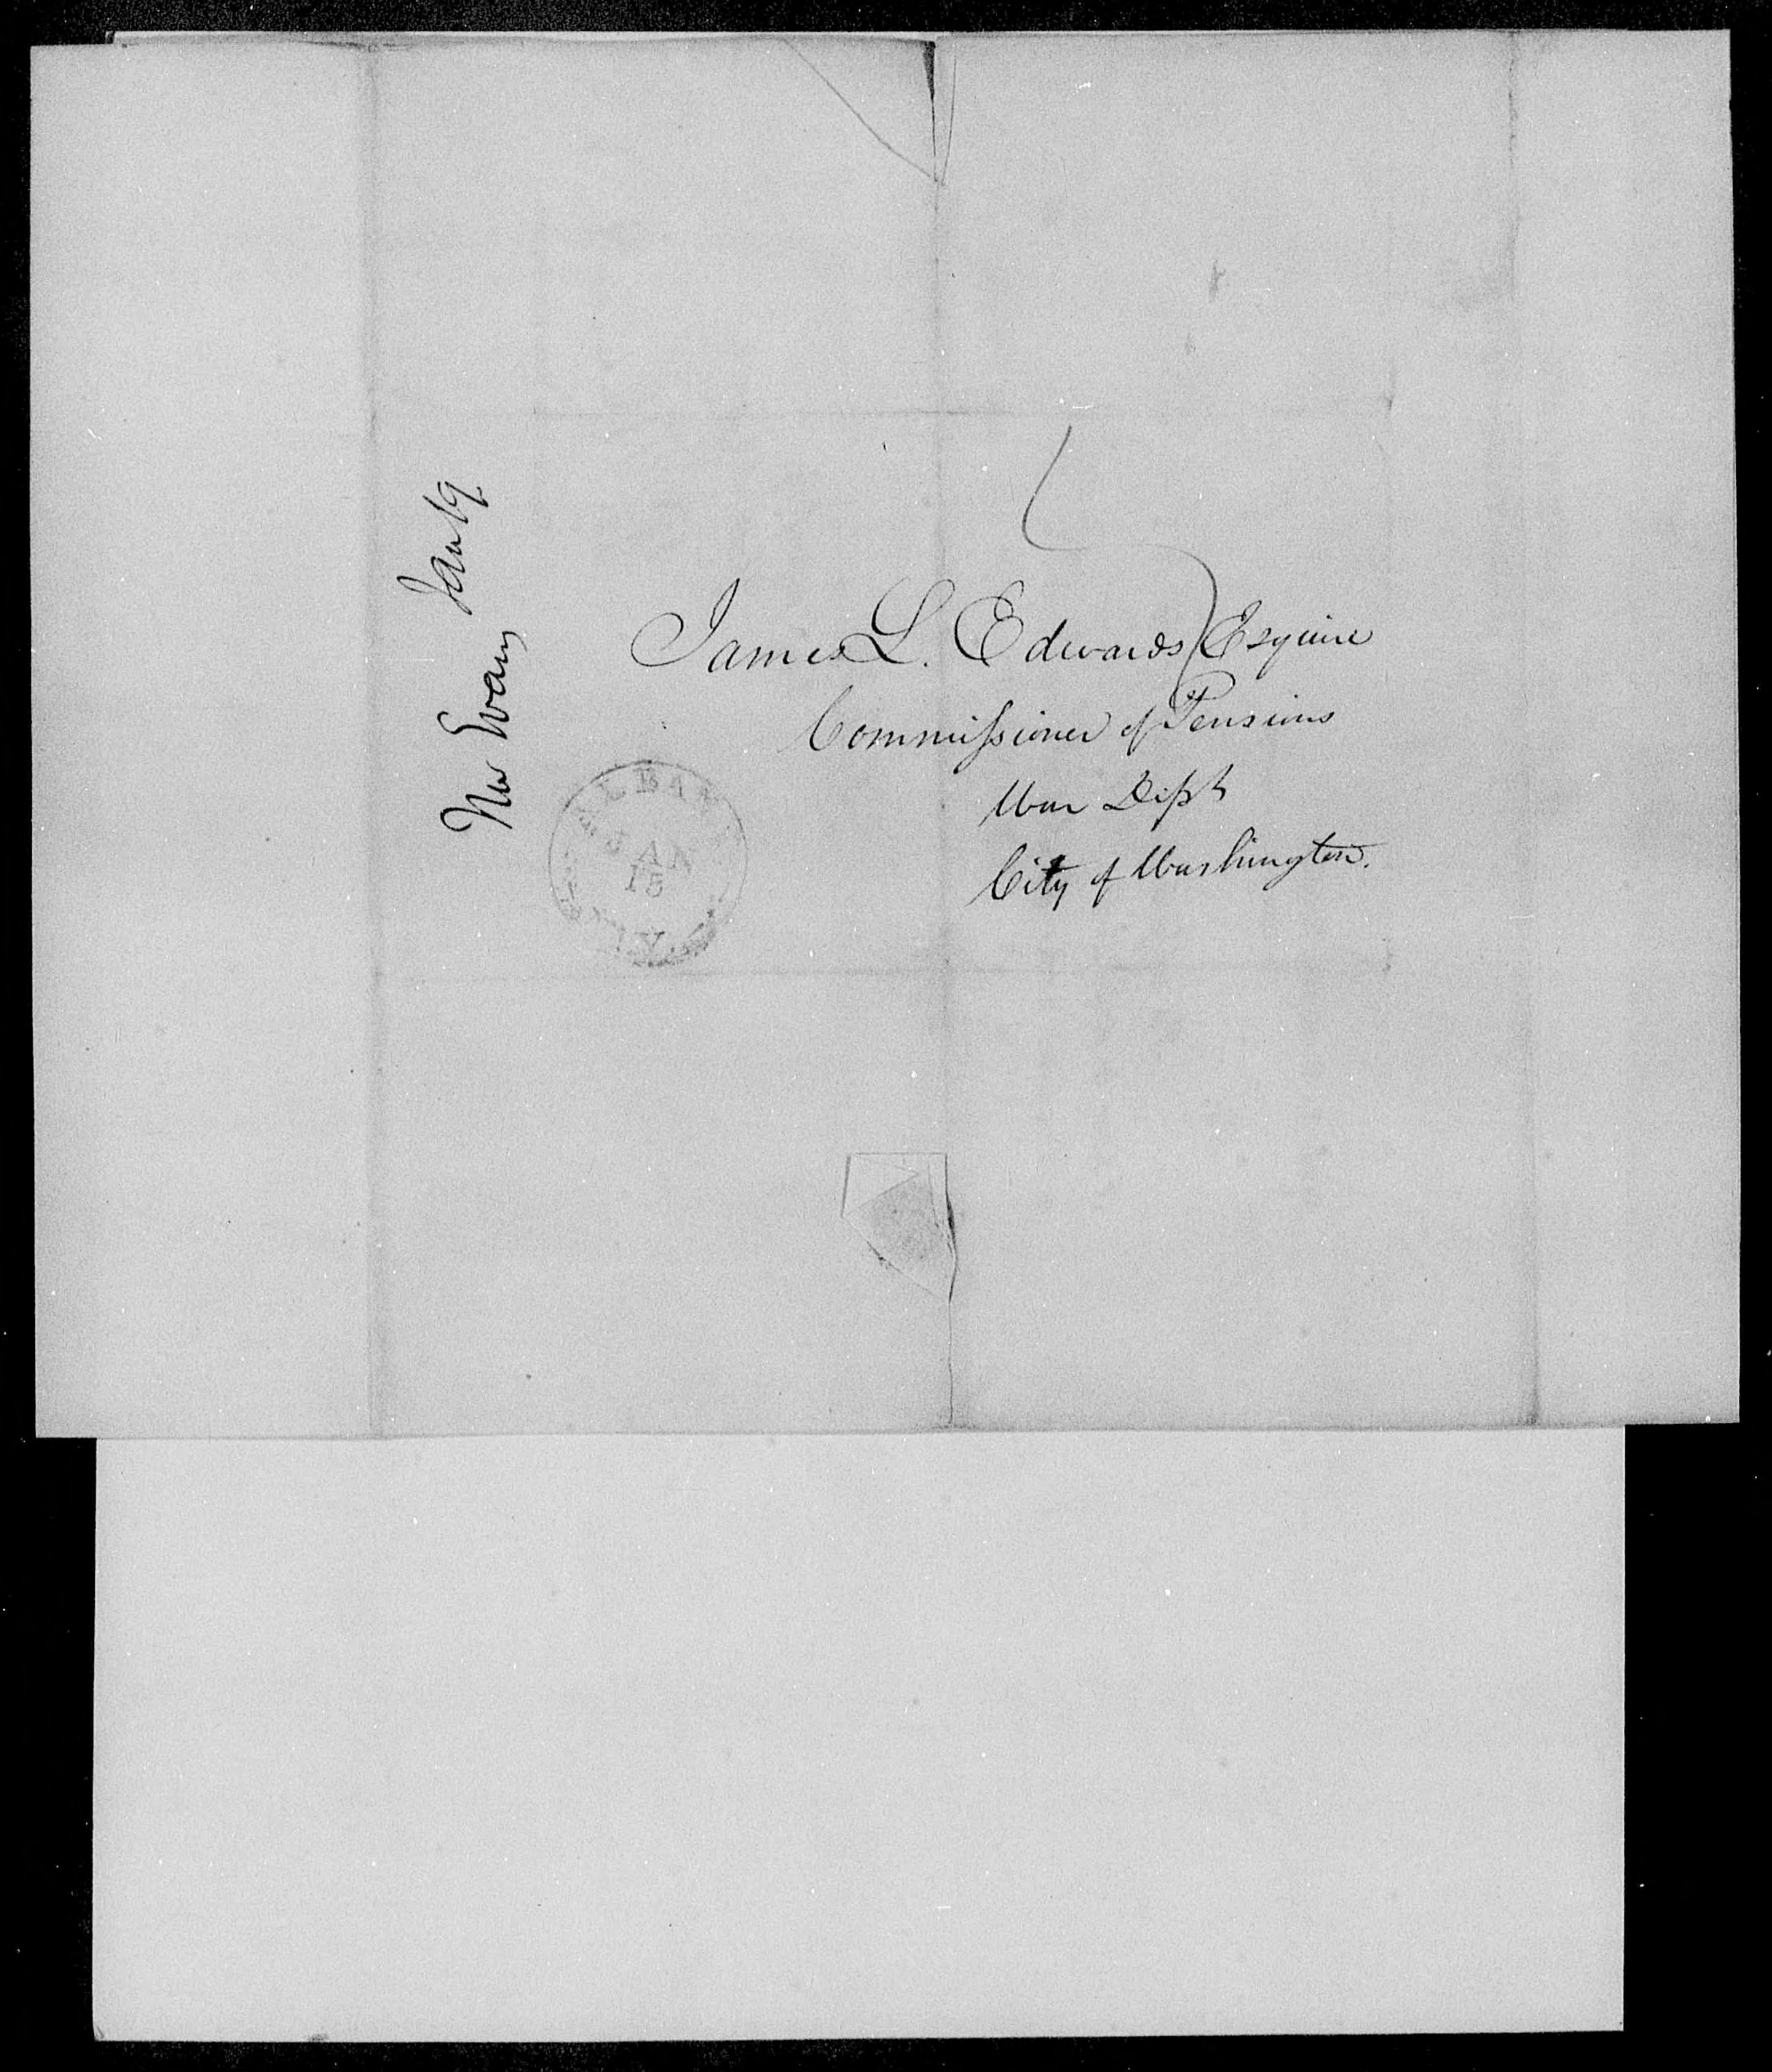James L. Edwards Esquire
Commissioner of Pensions
War Dept
City of Washington

[sideways] Mr Evans Jan 19 [/sideways]

[stamp] ALBANY N.Y.
JAN 15 [/stamp]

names: James L Edwards, Evans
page: 21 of 32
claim: survivor's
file: S. 34899, John Gibson, R.I.